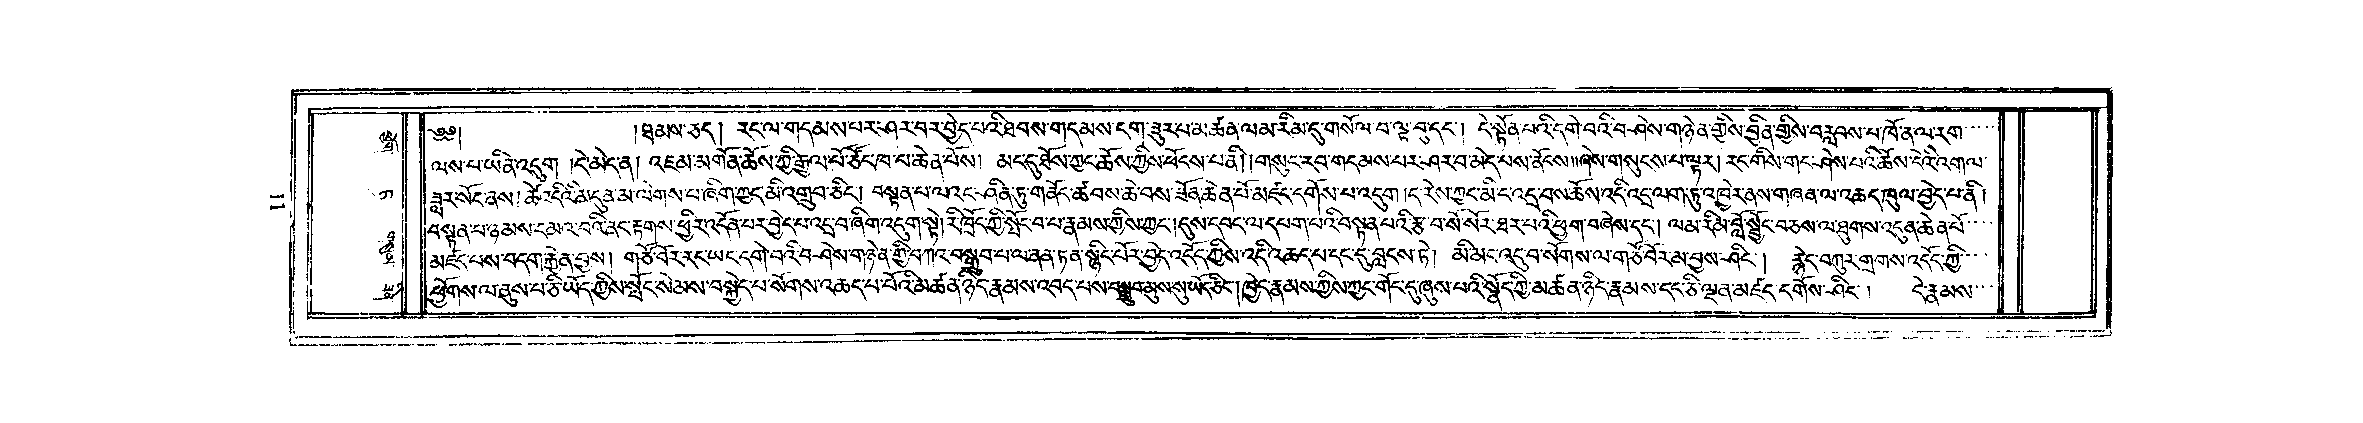༄༅། །ཐམས་ཅད། རང་ལ་གདམས་པར་ཤར་བར་བྱེད་པའི་ཐབས་གདམས་ངག་ཟུར་པ་མཚན་ལམ་རིམ་དུ་གསོལ་བ་ལྟ་བུ་དང་། དེ་སྟོན་པའི་དགེ་བའི་བཤེས་གཉེན་གྱིས་བྱིན་གྱིས་བརླབས་པ་ཁོ་ན་ལ་རག་
ལས་པ་ཡིན་འདུག །དེ་མེད་ན། འཇམ་མགོན་ཆོས་ཀྱི་རྒྱལ་པོ་ཙོང་ཁ་པ་ཆེན་པོས། མང་དུ་ཐོས་ཀྱང་ཆོས་ཀྱིས་ཕོངས་པ་ནི། །གསུང་རབ་གདམས་པར་ཤར་བ་མེད་པས་ནོངས། །ཞེས་གསུངས་པ་ལྟར། རང་གིས་གང་ཤེས་པའི་ཆོས་དེའི་འགལ་
ཟླར་སོང་ནས། ཚེ་འདིའི་མདུན་མ་ལེགས་པ་ཞིག་ཀྱང་མི་འགྲུབ་ཅིང་། བསྟན་པ་ལའང་ཤིན་ཏུ་གནོད་ཚབས་ཆེ་བས་ཟོན་ཆེན་པོ་མཛད་དགོས་པ་འདུག །ད་རེས་ཀྱང་མི་ང་འདྲ་བས་ཆོས་འདི་འདྲ་ལག་ཏུ་འཁྱེར་ནས་གཞན་ལ་འཆད་ཁུལ་བྱེད་པ་ནི།
བསྟན་པ་ཉམས་དམའ་བའི་ནང་རྟགས་ཕྱིར་འདོན་པར་བྱེད་པ་འདྲ་བ་ཞིག་འདུག་སྟེ། རི་ཁྲོད་ཀྱི་སྤོང་བ་པ་རྣམས་ཀྱིས་ཀྱང་། དུས་དབང་ལ་དཔག་པའི་བསྟན་པའི་རྩ་བ་སོ་སོར་ཐར་པའི་ཕྱག་བཞེས་དང་། ལམ་རིམ་བློ་སྦྱོང་བཅས་ལ་ཐུགས་འདུན་ཆེན་པོ་
མཛད་པས་བདག་རྐྱེན་བྱས། གཙོ་བོར་རང་ཡང་དགེ་བའི་བཤེས་གཉེན་གྱི་བཀའ་བསྒྲུབ་པ་ལ་ནན་ཏན་སྙིང་པོར་བྱེད་འདོད་ཀྱིས་འདི་འཆད་པ་དང་དུ་བླངས་ཏེ། མི་མང་འདུ་བ་སོགས་ལ་གཙོ་བོར་མ་བྱས་ཤིང་། རྙེད་བཀུར་གྲགས་འདོད་ཀྱི་
ཕྱོགས་ལ་ནུས་པ་ཅི་ཡོད་ཀྱིས་སྤོང་སེམས་བསྐྱེད་པ་སོགས་འཆད་པ་པོའི་མཚན་ཉིད་རྣམས་འབད་པས་བསྒྲུབ་མུས་སུ་ཡོད་ཅིང་། ཁྱེད་རྣམས་ཀྱིས་ཀྱང་གོང་དུ་ཞུས་པའི་སྣོད་ཀྱི་མཚན་ཉིད་རྣམས་དང་ཅི་ལྡན་མཛད་དགོས་ཤིང་། དེ་རྣམས་